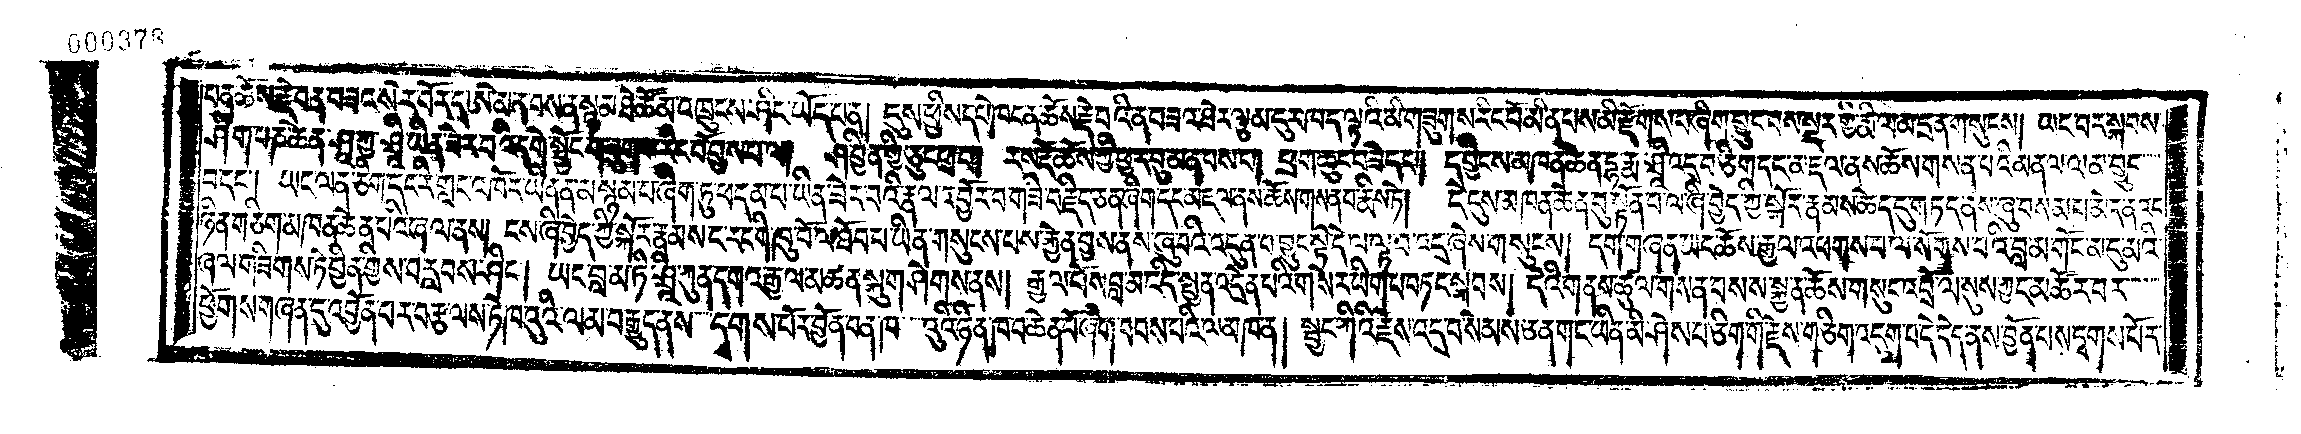བ་ན་ཆོས་རྗེ་བ་ན་བཟའ་སེར་པོ་རད་ཨེ་མ་ནབས་ན་སྙམ་ཐེ་ཚོམ་འཁྲུངས་ཤིང་ཡོད་པ་ན། དུས་ཕྱིས་དཔེ་ཁང་ན་ཆོས་རྗེ་བའི་ན་བཟའ་ཐེར་ལྕམ་དུར་ཁ་ད་ལྟའི་མི་གཟུགས་རིང་པོ་མིན་པས་མི་རྫོགས་པ་ཞིག་བྱུང་བས་སྔར་གྱི་རྨི་ལམ་དྲན་གསུངས། ཡང་བར་སྐབས་
ཤིག་པཎ་ཆེན་ཤཱཀྱ་ཤྲཱི་ཡིན་ཟེར་བའི་དགེ་སྦྱོང་གཟུགས་རིང་པོ་བྱས་པ་ལ། ཤ་བྱིན་གྱི་ཅུང་ཕྲ་བ། རས་རྡོ་ཆོས་ཀྱི་ཕྱར་བུ་མནབས་པ། ཕྲག་ཆུང་བཟེད་པ། དབྱིབས་མཁན་ཆེན་དྷརྨ་ཤྲཱི་འདྲ་བ་ཅིག་དང་མཇལ་ནས་ཆོས་གསན་པའི་མནལ་ལམ་བྱུང་
བ་དང་། ཡང་ལན་ཅིག་དིང་རི་གླང་འཁོར་ཡིན་ནམ་སྙམ་པ་ཞིག་ཏུ་ཕ་དམ་པ་ཡིན་ཟེར་བའི་རྣལ་འབྱོར་བ་གཟི་བརྗིད་ཅན་ཞིག་དང་མཇལ་ནས་ཆོས་གསན་པ་རྨིས་ཏེ། དེ་དུས་མཁན་ཆེན་བུ་སྟོན་པ་ལ་ཞི་བྱེད་ཀྱི་སྐོར་རྣམས་ཆེད་དུ་གཏད་ནས་ཞུ་བསམ་པ་མེད་ནའང་
ཉིན་གཅིག་མཁན་ཆེན་པའི་ཞལ་ནས། ངས་ཞི་བྱེད་ཀྱི་སྐོར་རྣམས་ང་རང་གི་ཁུ་བོ་ལ་ཐོབ་པ་ཡིན་གསུངས་པས་རྐྱེན་བྱས་ནས་ཞུ་བའི་འདུན་པ་བྱུང་སྟེ་དེ་ལ་ལྟ་བ་འདྲ་ཞེས་གསུངས། ངག་གཞན་ཡང་ཆོས་རྒྱལ་འཕགས་པ་ལ་སོགས་པའི་བླ་མ་གོང་མ་དུ་མའི་
ཞལ་གཟིགས་ཏེ་བྱིན་གྱིས་བརླབས་ཤིང་། ཡང་བླ་མ་ཏི་ཤྲཱི་ཀུན་དགའ་རྒྱལ་མཚན་སྐུ་གཤེགས་ནས། རྒྱལ་པོས་བླ་མ་འདི་སྤྱན་འདྲེན་པའི་གསེར་ཡིག་པ་བཏང་སྐབས། དེའི་གནས་ཚུལ་གསན་པས་ས་སྐྱ་ན་ཆོས་གསུང་འཕྲོ་ལ་སུས་ཀྱང་མཚོར་བར་
ཕྱོགས་གཞན་དུ་འབྱོན་པར་བརྩམས་ཏེ་ཁའུའི་ལམ་བརྒྱུད་ནས་དྭགས་པོར་བྱོན་པ་ན་ཁའུའི་ཉིན་ཁ་པ་ཆེན་པོ་ཞིག་བབས་པའི་ལམ་ཁ་ན། སྤྱང་ཀིའི་རྗེས་འདྲ་བ་སེམས་ཅན་གང་ཡིན་མི་ཤེས་པ་ཅིག་གི་རྗེས་གཅིག་འདུག་པ་དེ་དེད་ནས་བྱོན་པས་དྭགས་པོར་